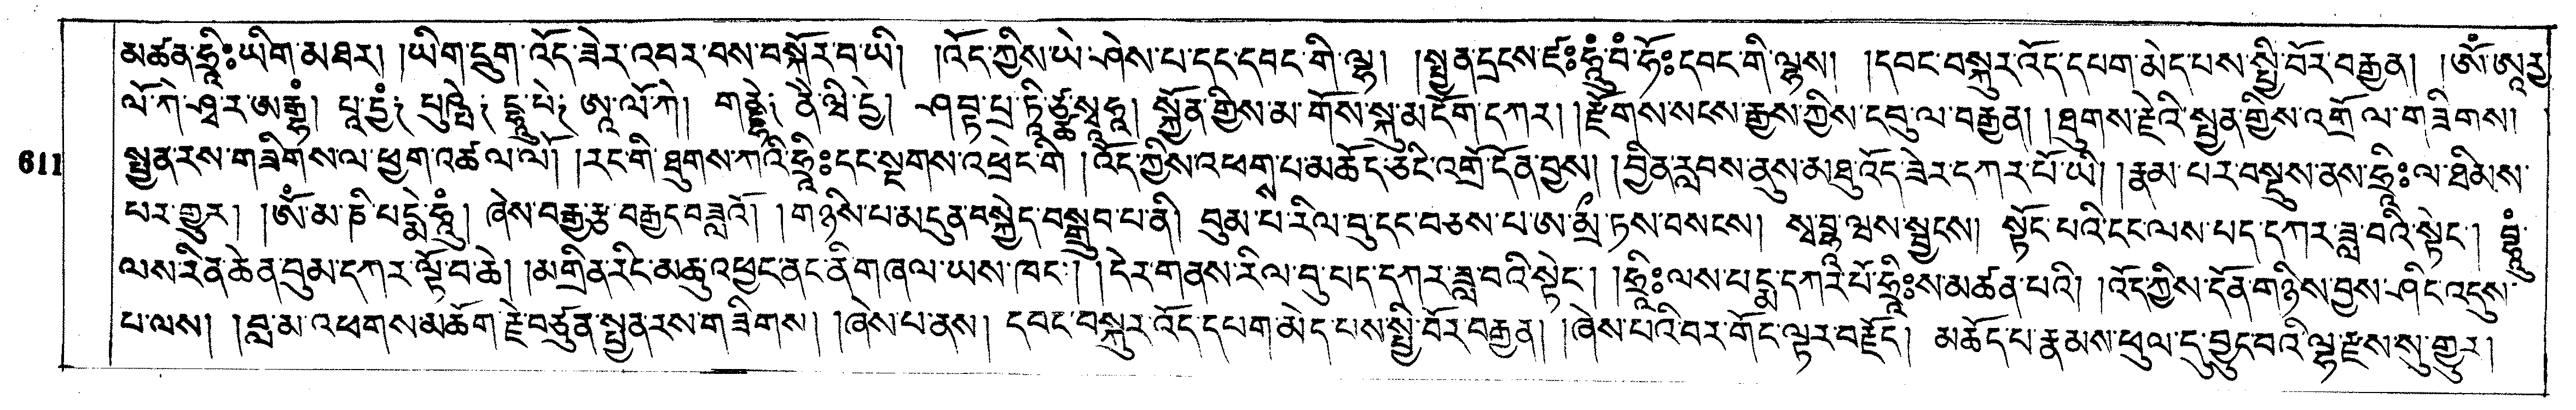མཚན་ཧྲཱིཿ ཡིག་མཐར། །ཡིག་དྲུག་འོད་ཟེར་འབར་བས་བསྐོར་བ་ཡི། །འོད་ཀྱིས་ཡེ་ཤེས་པ་དང་དབང་གི་ལྷ། །སྤྱན་དྲངས་ཛཿ ཧཱུཾ་བཾ་ཧོཿ དབང་གི་ལྷས། །དབང་བསྐུར་འོད་དཔག་མེད་པས་སྤྱི་བོར་བརྒྱན། །ཨོཾ་ཨཱརྱ་
ལོ་ཀེ་ཤྭ་ར་ཨརྒྷ། པཱ་དྱཾ༑ པུཥྤེཿ དྷཱུ་པེ༑ ཨཱ་ལོ་ཀེ། གནྡྷེ༑ ནཻ་ཝི་དྱེ། ཤབཏ་པྲ་ཏཱི་ཙྪ་སྭཱཧཱ། སྐྱོན་གྱིས་མ་གོས་སྐུ་མདོག་དཀར། །རྫོགས་སངས་རྒྱས་ཀྱིས་དབུ་ལ་བརྒྱན། །ཐུགས་རྗེའི་སྤྱན་གྱིས་འགྲོ་ལ་གཟིགས།
སྤྱན་རས་གཟིགས་ལ་ཕྱག་འཚལ་ལོ། །རང་གི་ཐུགས་ཀའི་ཧྲཱིཿ དང་སྔགས་འཕྲེང་གི །འོད་ཀྱིས་འཕགས་པ་མཆོད་ཅིང་འགྲོ་དོན་བྱས། །བྱིན་རླབས་ནུས་མཐུ་འོད་ཟེར་དཀར་པོ་ཡི། །རྣམ་པར་བསྡུས་ནས་ཧྲཱིཿ ལ་ཐིམས་
པར་གྱུར། །ཨོཾ་མ་ཎི་པདམེ་ཧཱུཾ། ཞེས་བརྒྱ་རྩ་བརྒྱད་བཟླའོ། །གཉིས་པ་མདུན་བསྐྱེད་བསྒྲུབ་པ་ནི། བུམ་པ་རིལ་བུ་དང་བཅས་པ་ཨ་མྲྀ་ཏས་བསངས། སྭ་བྷ་ཝས་སྦྱངས། སྟོང་པའི་ངང་ལས་པད་དཀར་ཟླ་བའི་སྟེང་། བྷཱུཾ་
ལས་རིན་ཆེན་བུམ་དཀར་ལྟོ་བ་ཆེ། །མགྲིན་རིང་མཆུ་འཕྱང་ནང་ནི་གཞལ་ཡས་ཁང་། །དེར་གནས་རིལ་བུ་པད་དཀར་ཟླ་བའི་སྟེང་། །ཧྲཱིཿ ལས་པདམ་དཀར་པོ་ཧྲཱིཿ ས་མཚན་པའི། །འོད་ཀྱིས་དོན་གཉིས་བྱས་ཤིང་འདུས་
པ་ལས། །བླ་མ་འཕགས་མཆོག་རྗེ་བཙུན་སྤྱན་རས་གཟིགས། །ཞེས་པ་ནས། དབང་བསྐུར་འོད་དཔག་མེད་པས་སྤྱི་བོར་བརྒྱན། །ཞེས་པའི་བར་གོང་ལྟར་བརྗོད། མཆོད་པ་རྣམས་ཕུལ་དུ་བྱུང་བའི་ལྷ་རྫས་སུ་གྱུར།